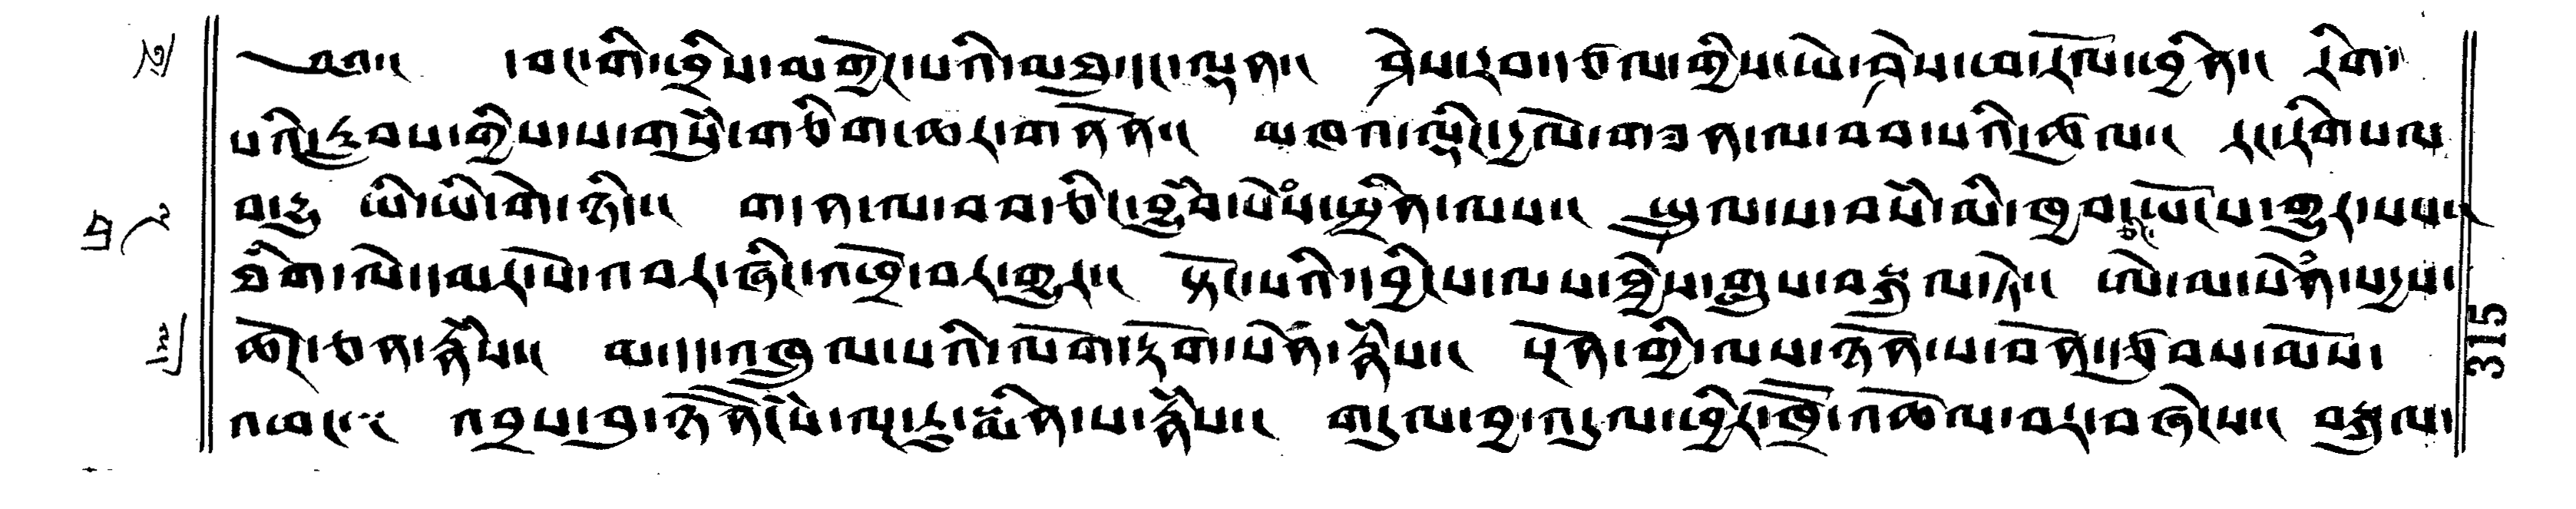དབང་གི་ཕྲིན་ལས་མགྱོགས་པའི་མཐུ་དང་ལྡན། །ཤེས་རབ་རྩལ་གྱིས་ཡེ་ཤེས་ཕ་རོལ་ཕྱིན། །རིག་
པའི་རླབས་གྱིས་ས་གསུམ་གཅིག་ཆར་གནོན། །མཁའ་ལྡིང་རྒྱལ་པོ་གཟན་ལ་བབ་པའི་ཚུལ། །རང་རིག་གསལ་
བ་རྒྱུ་ ཡི་ཡི་གེ་ཉིད། །གདན་ལ་བབ་ཅིང་བྱང་ཆུབ་སེམས་སྤྲིན་ལས། །སྤྲུལ་པ་བསམ་མི་ཁྱབ་ཅིང་ཡོངས་གྱུར་པས། །
ཐིག་ལེ་དམར་པོ་འབར་ཞིང་འཕྲོ་བར་གྱུར། །སྟོང་པའི་དབྱིངས་ལས་ཐུགས་རྗེས་གླུས་བསྐུལ་ཏེ། ཨེ་མ་སེམས་ཅན་སངས་རྒྱས་
ཚོགས་བཅས་རྣམས། །མ་དད་འཁྲུལ་པའི་ལོག་རྟོག་སེམས་ཅན་རྣམས། །སྔོན་གྱི་ལས་ཉོན་ས་བོན་རྩུབ་མོས་
འཕང་། །འབྲས་བུ་ཉོན་མོངས་ལྔ་རུ་སྨིན་པ་རྣམས། །གདུལ་བྱ་འདུལ་ཕྱིར་ཁྲོ་བོ་འཆོལ་བར་བཞེངས། །བསྐུལ་